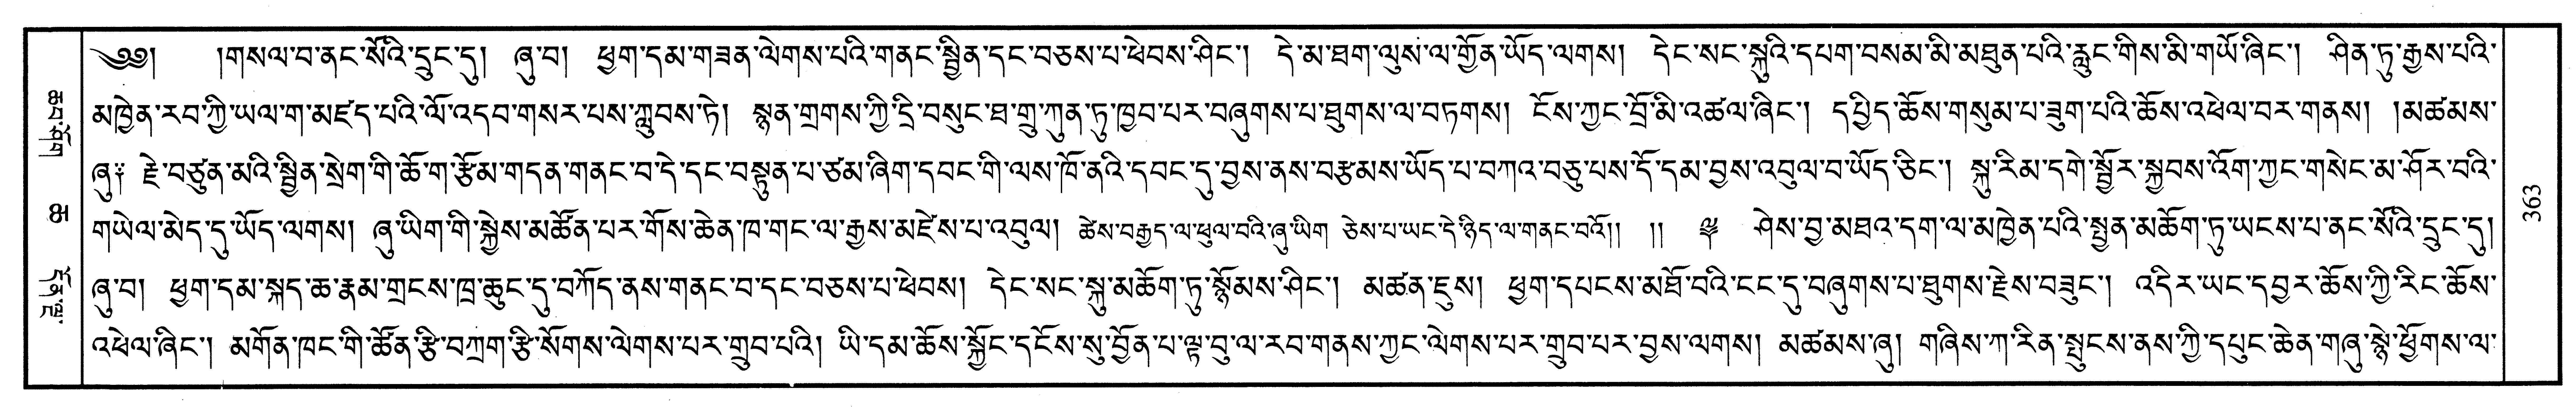༄༅། །གསལ་བ་ནང་སོའི་དྲུང་དུ། ཞུ་བ། ཕྱག་དམ་གཟན་ལེགས་པའི་གནང་སྦྱིན་དང་བཅས་པ་ཕེབས་ཤིང་། དེ་མ་ཐག་ལུས་ལ་གྱོན་ཡོད་ལགས། དེང་སང་སྐུའི་དཔག་བསམ་མི་མཐུན་པའི་རླུང་གིས་མི་གཡོ་ཞིང་། ཤིན་ཏུ་རྒྱས་པའི་
མཁྱེན་རབ་ཀྱི་ཡལ་ག་མཛད་པའི་ལོ་འདབ་གསར་པས་ཀླུབས་ཏེ། སྙན་གྲགས་ཀྱི་དྲི་བསུང་ཐ་གྲུ་ཀུན་ཏུ་ཁྱབ་པར་བཞུགས་པ་ཐུགས་ལ་བཏགས། ངོས་ཀྱང་བྲོ་མི་འཚལ་ཞིང་། དཔྱིད་ཆོས་གསུམ་པ་ཟུག་པའི་ཆོས་འཕེལ་བར་གནས། །མཚམས་
ཞུ༑ རྗེ་བཙུན་མའི་སྦྱིན་སྲེག་གི་ཆོ་ག་རྩོམ་གདན་གནང་བ་དེ་དང་བསྟུན་པ་ཙམ་ཞིག་དབང་གི་ལས་ཁོ་ནའི་དབང་དུ་བྱས་ནས་བརྩམས་ཡོད་པ་བཀའ་བཅུ་པས་དོ་དམ་བྱས་འབུལ་བ་ཡོད་ཅིང་། སྐུ་རིམ་དགེ་སྦྱོར་སྐྱབས་འོག་ཀྱང་གསེང་མ་ཤོར་བའི་
གཡེལ་མེད་དུ་ཡོད་ལགས། ཞུ་ཡིག་གི་སྐྱེས་མཚོན་པར་གོས་ཆེན་ཁ་གང་ལ་རྒྱས་མཛེས་པ་འབུལ། ཚེས་བརྒྱད་ལ་ཕུལ་བའི་ཞུ་ཡིག །ཅེས་པ་ཡང་དེ་ཉིད་ལ་གནང་བའོ།། །། ༈ ཤེས་བྱ་མཐའ་དག་ལ་མཁྱེན་པའི་སྤྱན་མཆོག་ཏུ་ཡངས་པ་ནང་སོའི་དྲུང་དུ།
ཞུ་བ། ཕྱག་དམ་སྐད་ཆ་རྣམ་གྲངས་ཁྲ་ཆུང་དུ་བཀོད་ནས་གནང་བ་དང་བཅས་པ་ཕེབས། དེང་སང་སྐུ་མཆོག་ཏུ་སྙོམས་ཤིང་། མཚན་ཇུས། ཕྱག་དཔངས་མཐོ་བའི་ངང་དུ་བཞུགས་པ་ཐུགས་རྗེས་བཟུང་། འདིར་ཡང་དབྱར་ཆོས་ཀྱི་རིང་ཆོས་
འཕེལ་ཞིང་། མགོན་ཁང་གི་ཚོན་རྩི་བཀྲག་རྩི་སོགས་ལེགས་པར་གྲུབ་པའི། ཡི་དམ་ཆོས་སྐྱོང་དངོས་སུ་བྱོན་པ་ལྟ་བུ་ལ་རབ་གནས་ཀྱང་ལེགས་པར་གྲུབ་པར་བྱས་ལགས། མཚམས་ཞུ། གཞིས་ཀ་རིན་སྤུངས་ནས་ཀྱི་དཔུང་ཆེན་གཞུ་སྙེ་ཕྱོགས་ལ་